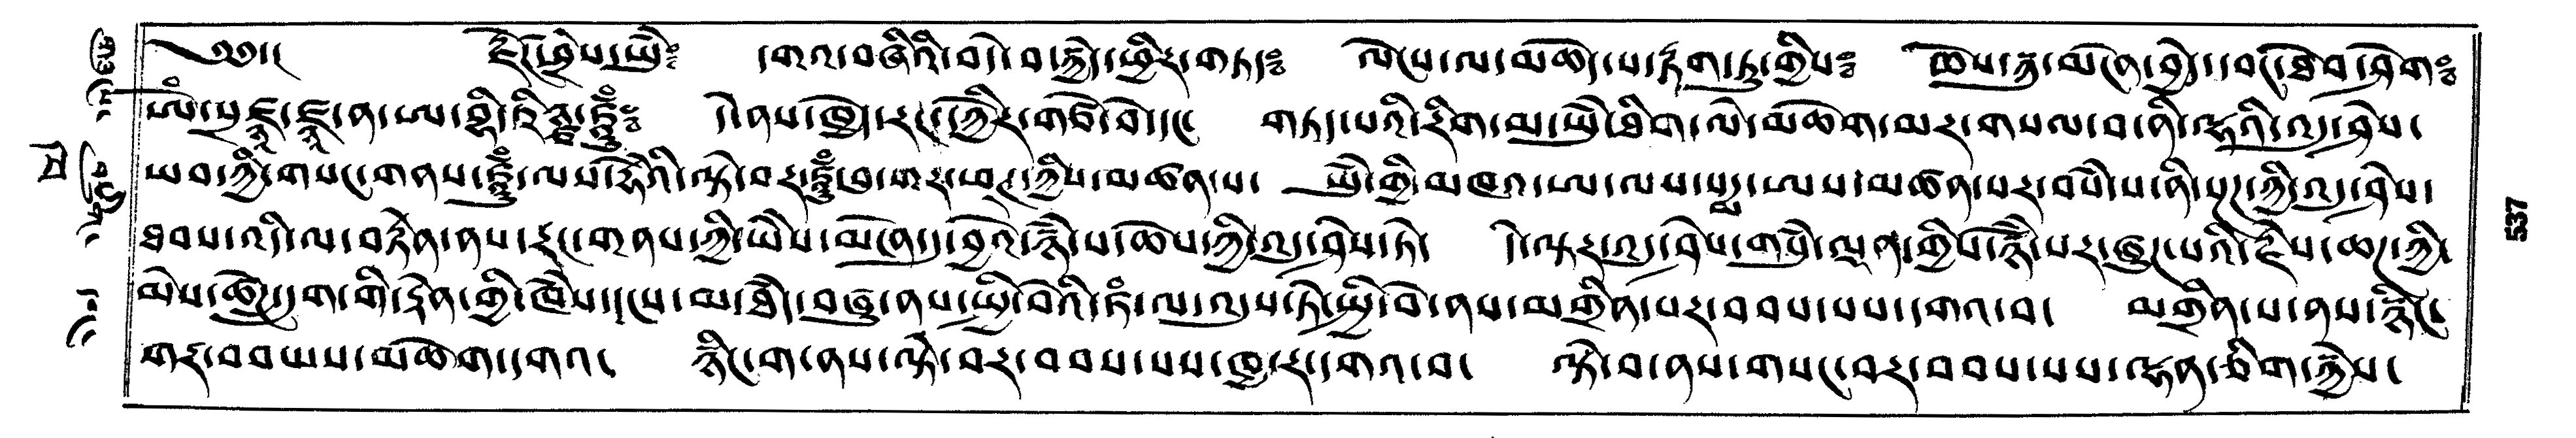རྫོགས་ཤེས་རབ་ཡུམ༔ དགའ་བཞིའི་བདེ་བ་སྐྱེད་ཕྱིར་གཏད༔ ལོངས་ལ་མཆོད་པ་རྟག་ཏུ་གྱིས༔ ཆོས་སྐུ་མངོན་བྱེད་དབང་འཐོབ་ཤོག༔ 
ཨོཾ་པྲཛྙཱ་ཛྙཱ་ན་ཨ་བྷི་རིཉྩ་ཧཱུྃ༔ དེ་ནས་ཁྱོད་རང་དཀྱིལ་འཁོར་གཙོ་བོ་དང་། གཏད་པའི་རིག་མ་ཡུམ་ཐིག་ལེ་མཆོག་མར་གསལ་བ་ནི་ལྷའི་འདུ་ཤེས་
ཡབ་ཀྱི་གསང་གནས་ཧཱུྃ་ལས་རྡོ་རྗེའི་ལྟེ་བར་ཧཱུྃ་བུ་གར་ཕཊ་ཀྱིས་མཚན་པ། ཡུམ་གྱི་མཁའ་ཨ་ལས་པདྨ་ཨས་མཚན་པར་བསམ་པ་ནི་སྔགས་ཀྱི་འདུ་ཤེས་
ཐབས་འདི་ལ་བརྟེན་ནས་རང་གནས་ཀྱི་ཡེ་ཤེས་མངོན་དུ་བྱའོ་སྙམ་པ་ཆོས་ཀྱི་འདུ་ཤེས་ཏེ། དེ་ལྟར་འདུ་ཤེས་གསུམ་ལྡན་གྱིས་སྙོམ་པར་ཞུགས་པའི་རྗེས་ཆགས་ཀྱི་
མེས་ཚོགས་དྲུག་གི་རྟེན་གྱི་ཁམས་དྭངས་མ་ཐམས་ཅད་ཞུ་ནས་སྤྱི་བོའི་ཧཾ་ལ་འདུས་ཏེ་སྤྱི་བོ་ནས་མགྲིན་པར་བབས་པས་དགའ་བ། མགྲིན་པ་ནས་སྙིང་
གར་བབས་པས་མཆོག་དགའ།སྙིང་ག་ནས་ལྟེ་བར་བབས་པས་ཁྱད་པར་དགའ་བ། ལྟེ་བ་ནས་གསང་བར་བབས་པས་ལྷན་ཅིག་སྐྱེས་